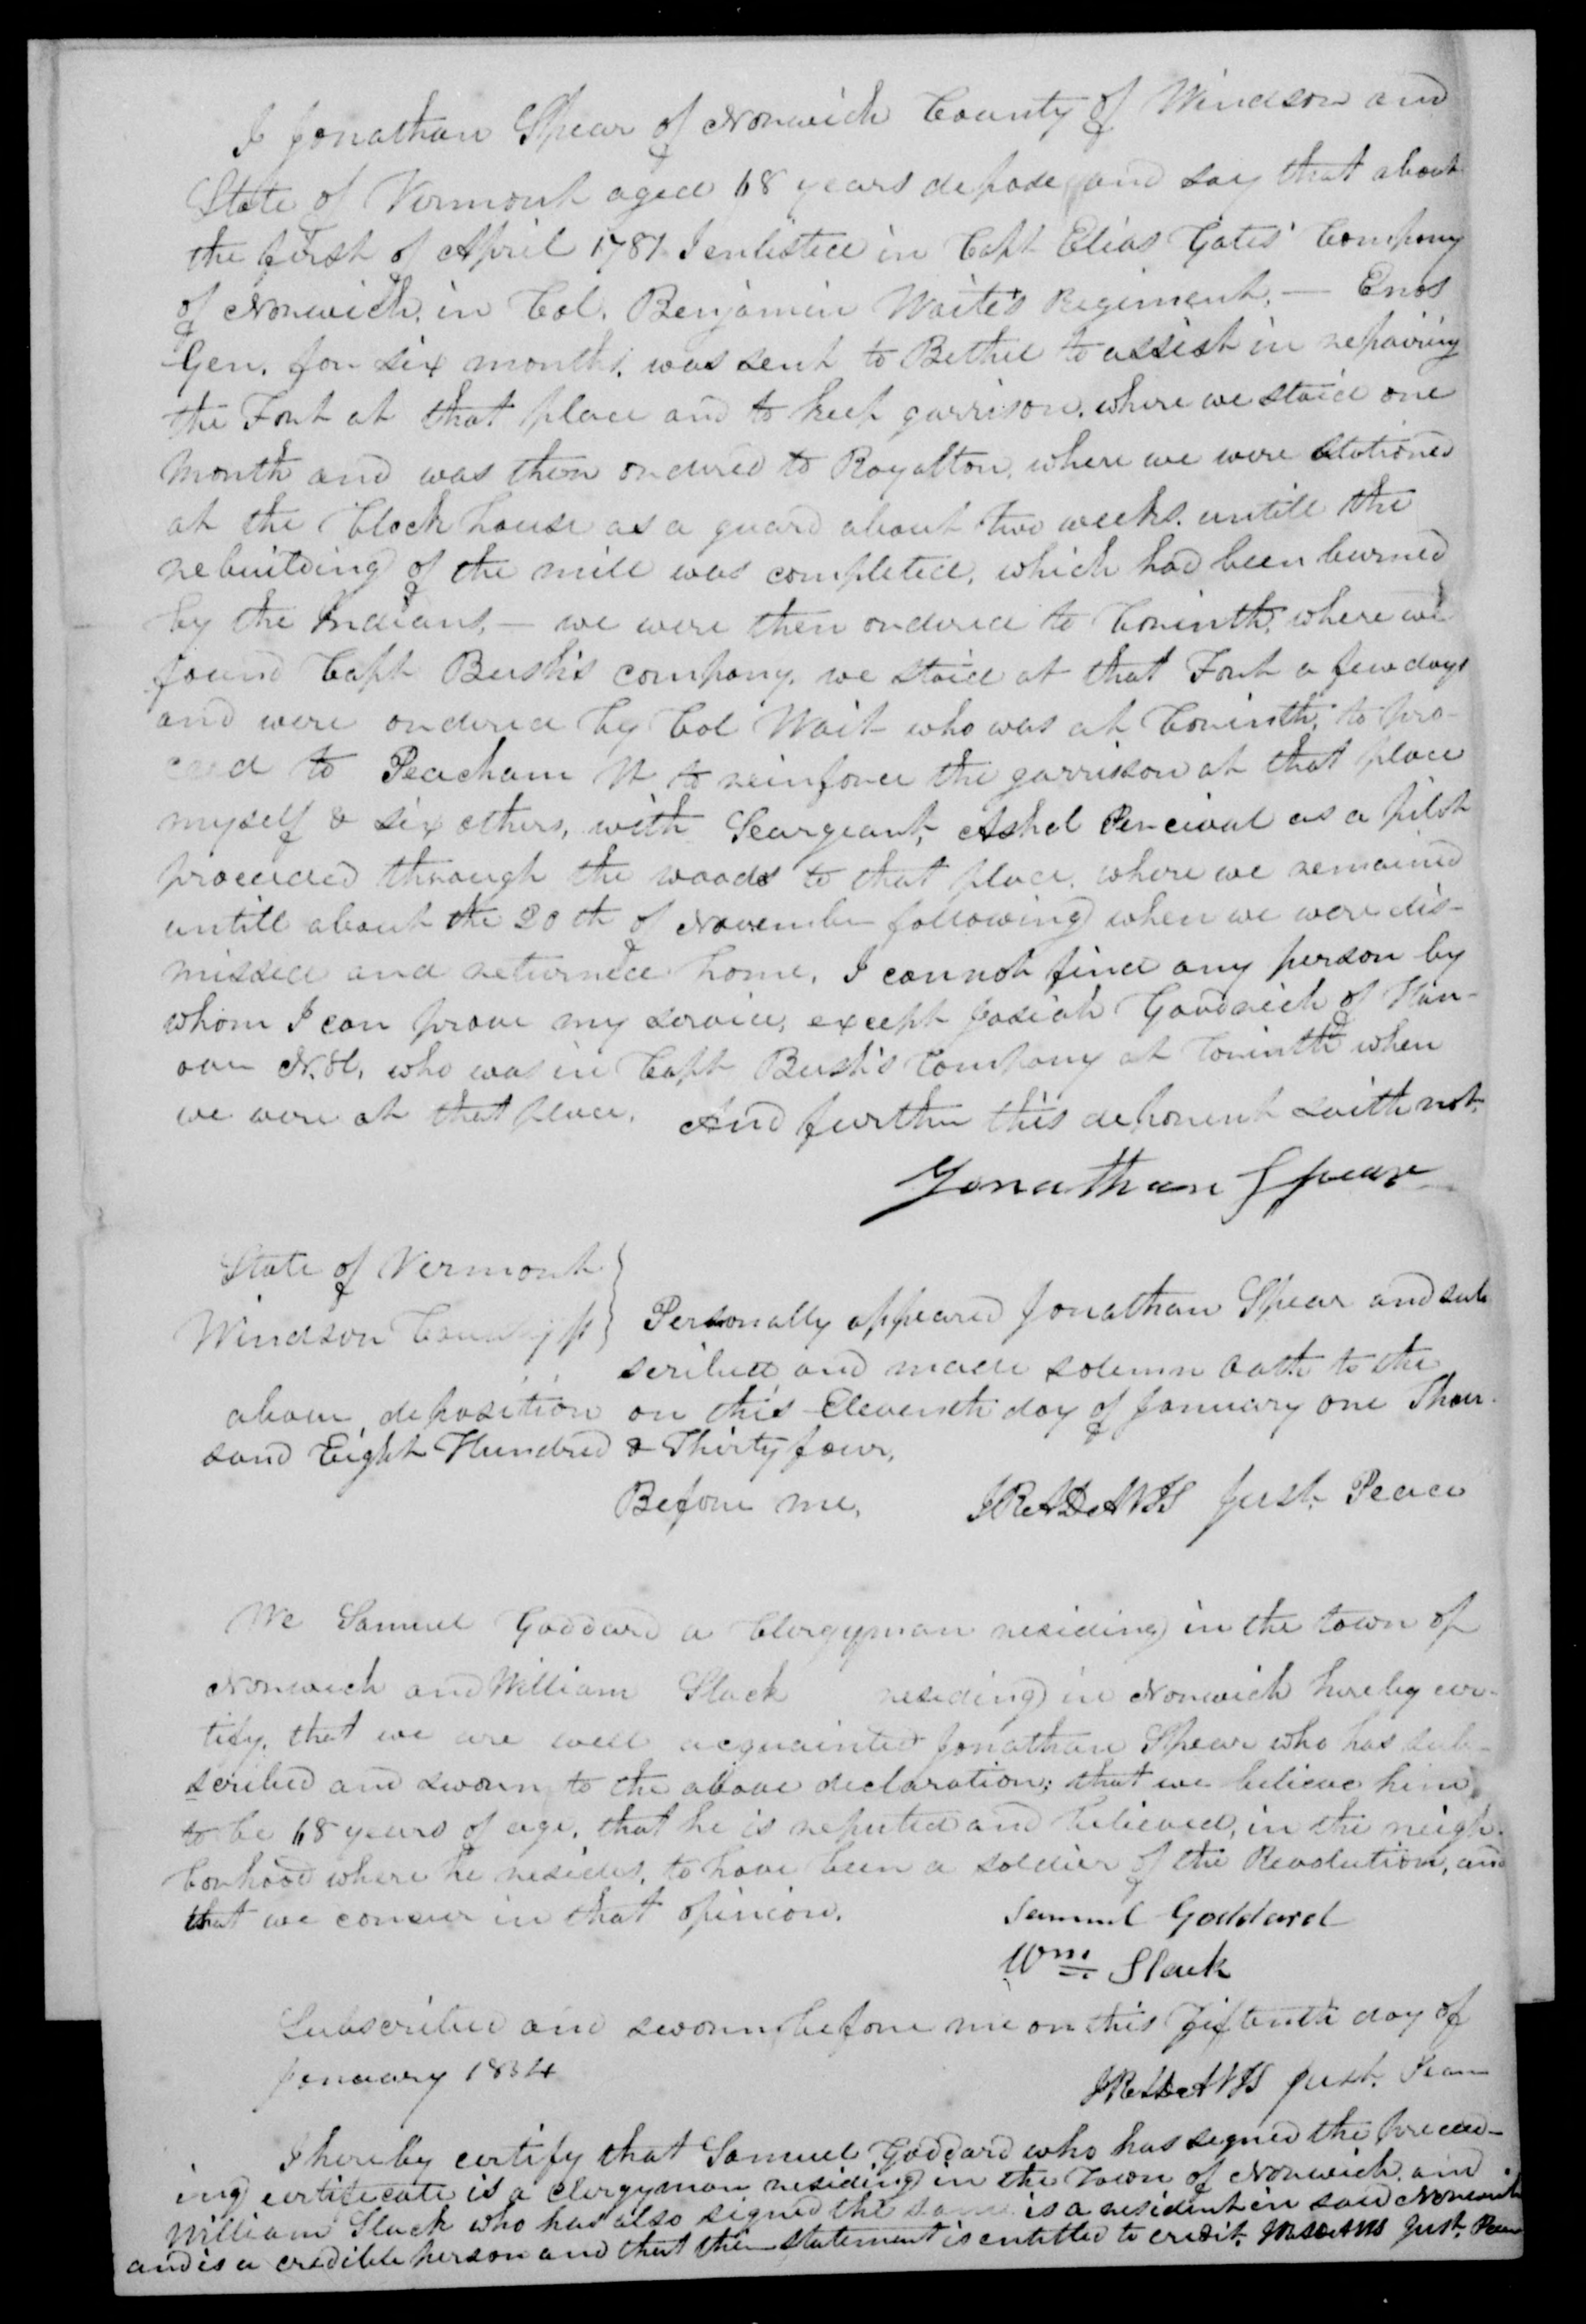I Jonathan Spear of Norwich County of Windsor and State of Vermont aged 68 years depose and say that about the first of April 1787 I enlisted in Capt Elias Gates' Company of Norwich, in Col. Benjamin Waite's Regiment, - Enos Gen. for six months, was sent to Bethel to assist in repairing the Fort at that place and to help garrison, where we staid one month and was then ordered to Royalton, where we were stationed at the block house as a guard about two weeks, untill the rebuilding of the mill was completed, which had been burned by the Indians, - we were then ordered to Corinth where we found Capt Bush's company, we staid at that Fort a few days and were ordered by Col Wait who was at Corinth to proceed to Peacham Vt to reinforce the garrison at that place myself & six others, with Seargeant Ashel  (Asahael) Percival as a [illegible] proceeded through the woods to that place, where we remained untill about the 20th of November following where we were dismissed and returned home. I cannot find any person by whom I can prove any service, except Josiah Goodrich of Hanover N.H. who was in Capt Bush's company at Corinth when we were at that place. And further this deponent saith not. 
/s/Jonathan Spears
State of Vermont
Windsor County ss} Personally Appeared Jonathan Spear and subscribed and made solemn oath to the above deposition on this Eleventh day of January one Thousand Eight Hundred & Thirty four,
Before me, /s/IRA DAVIS Just. Peace
We Samuel Goddard a Clergyman residing in the town of Norwich and William Slack residing in Norwich hereby certify, that we are well acquainted Jonathan Spear who has subscribed and sworn to the above declaration; that we believe him to be 68 years of age, that he is reputed and believed, in the neighborhood where he resides, to have been a soldier of the Revolution, and that we concur in that opinion.
/s/Samuel Goddard
/s/Wm. Slack
Subscribed and sworn before me on this fifteenth day of January 1834. 
/s/IRA DAVIS Just. Peace
I hereby certify that Samuel Goddard who has signed the preceding certificate is a clergyman residing in the Town of Norwich and William Slack who has also signed the same is a resident in said Norwich and is a credible person and that their statement is entitled to credit. 
/s/IRA DAVIS Just. Peace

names: William Slack; [BLANK] Wait; Jonathan Spear; Ira Davis; Ira Davis; Samuel Goddard; Jonathan Spear; Samuel Goddard; Samuel Goddard; William Slack; Josiah Goodrich; Wm Slack; Ira Davis; Jonathan Spear; Jonathan Spear; Ashel Percival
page: 61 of 65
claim: widow's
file: W. 7197, for Jonathan Spear, Vermont